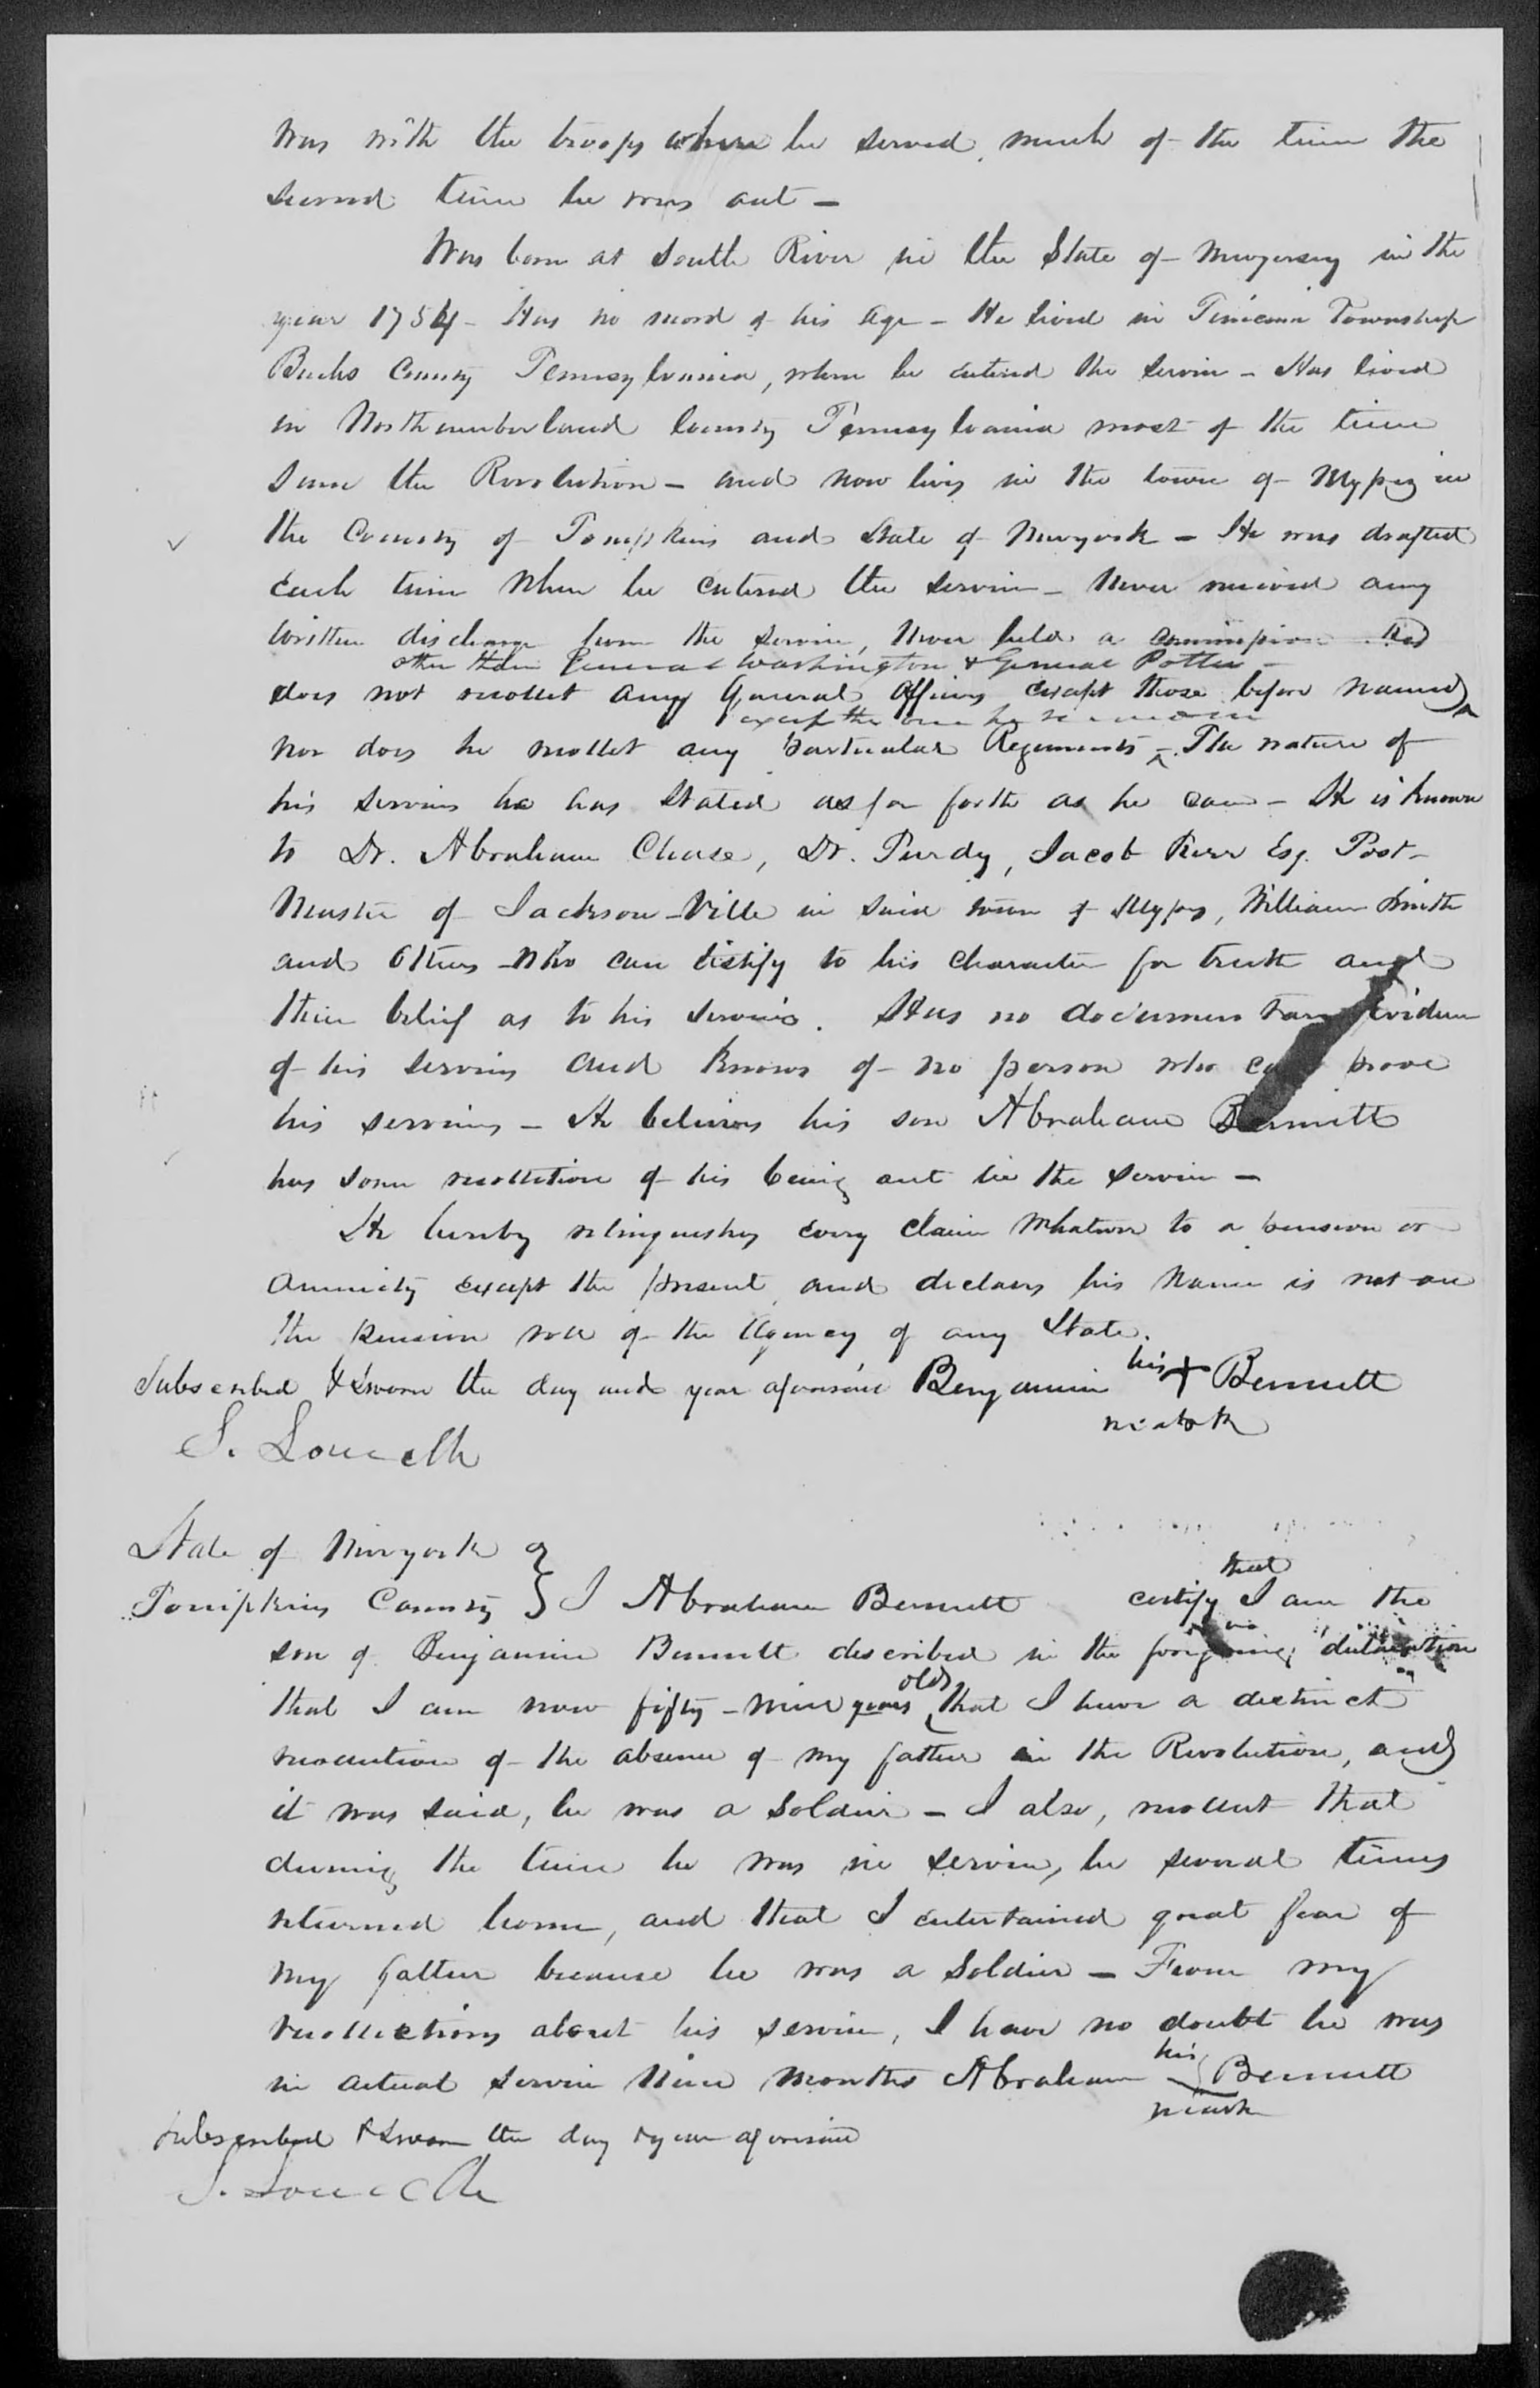was with the troops where he served much of the time the Second time he was out. 
Was born at South River in the State of Wyoming in the year 1754. Has no record of his age. He lived in Tinicum Township Bucks County Pennsylvania, when he entered the Service - Has lived in Northumberland County Pennsylvania most of the time Since the Revolution. and now lives in the town of Ulysses in the County of Tompkins and State of Newyork. He was drafted each time when he entered the Service. Never received any written discharge from the Service, Never held a commission And does not recollect any General Officers except those before named [other than General Washington & General Potter. -- inserted] Nor does he recollect any particular Regiments [except the one he served in. -- inserted] The nature of his services he has stated as for forth as he can. He is known to Dr. Abraham Chase, Dr. Purdy, Jacob Kerrr Esq. Post Master of Jacksonville in said town of Ulysses, William Smith and others who can testify to his character for truth and their belief as to his Services. Has no documentary Evidence of his services and knows of no person who can prove his serving. He believes his son Abraham Bennett has some recollection of his being out in the service. He hereby relinquishes every claim whatever to a pension or annuity except the present and declares his name is not on the Pension will of the Agency of any State. Benjamin his X mark Bennett

Subscribed & Sworn the day and year aforesaid S. Soweth [signature] 

State of Newyork Tompkins County } 
I Abraham Bennett certify [that -- inserted] I am the son of Benjamin Bennett described in the foregoing declaration that I am now fifty-nine years [old -- inserted] that I have a distinct recollection of the absence of my father in the Revolution, and it was said, he was a Soldier. I also, recollect that during the time he was in service, he several times returned home, and that I entertained great fear of my father because he was a Soldier. From my recollecting about his service, I have no doubt he was in actual service nine months Abraham his X mark Bennett

Subscribed & Sworn the day & year aforesaid S. Soweth [signature]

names: Jacob Purr, Benjamin Bennett, Potter, Benjamin Bennett, Abraham Bennett, Abraham Bennett, S Loweth, William Smith, Washington, S Loweth, Abraham Bennett, Abraham Chase, Purdy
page: 4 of 16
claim: survivor's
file: S. 12175, Benjamin Bennett, Penn.